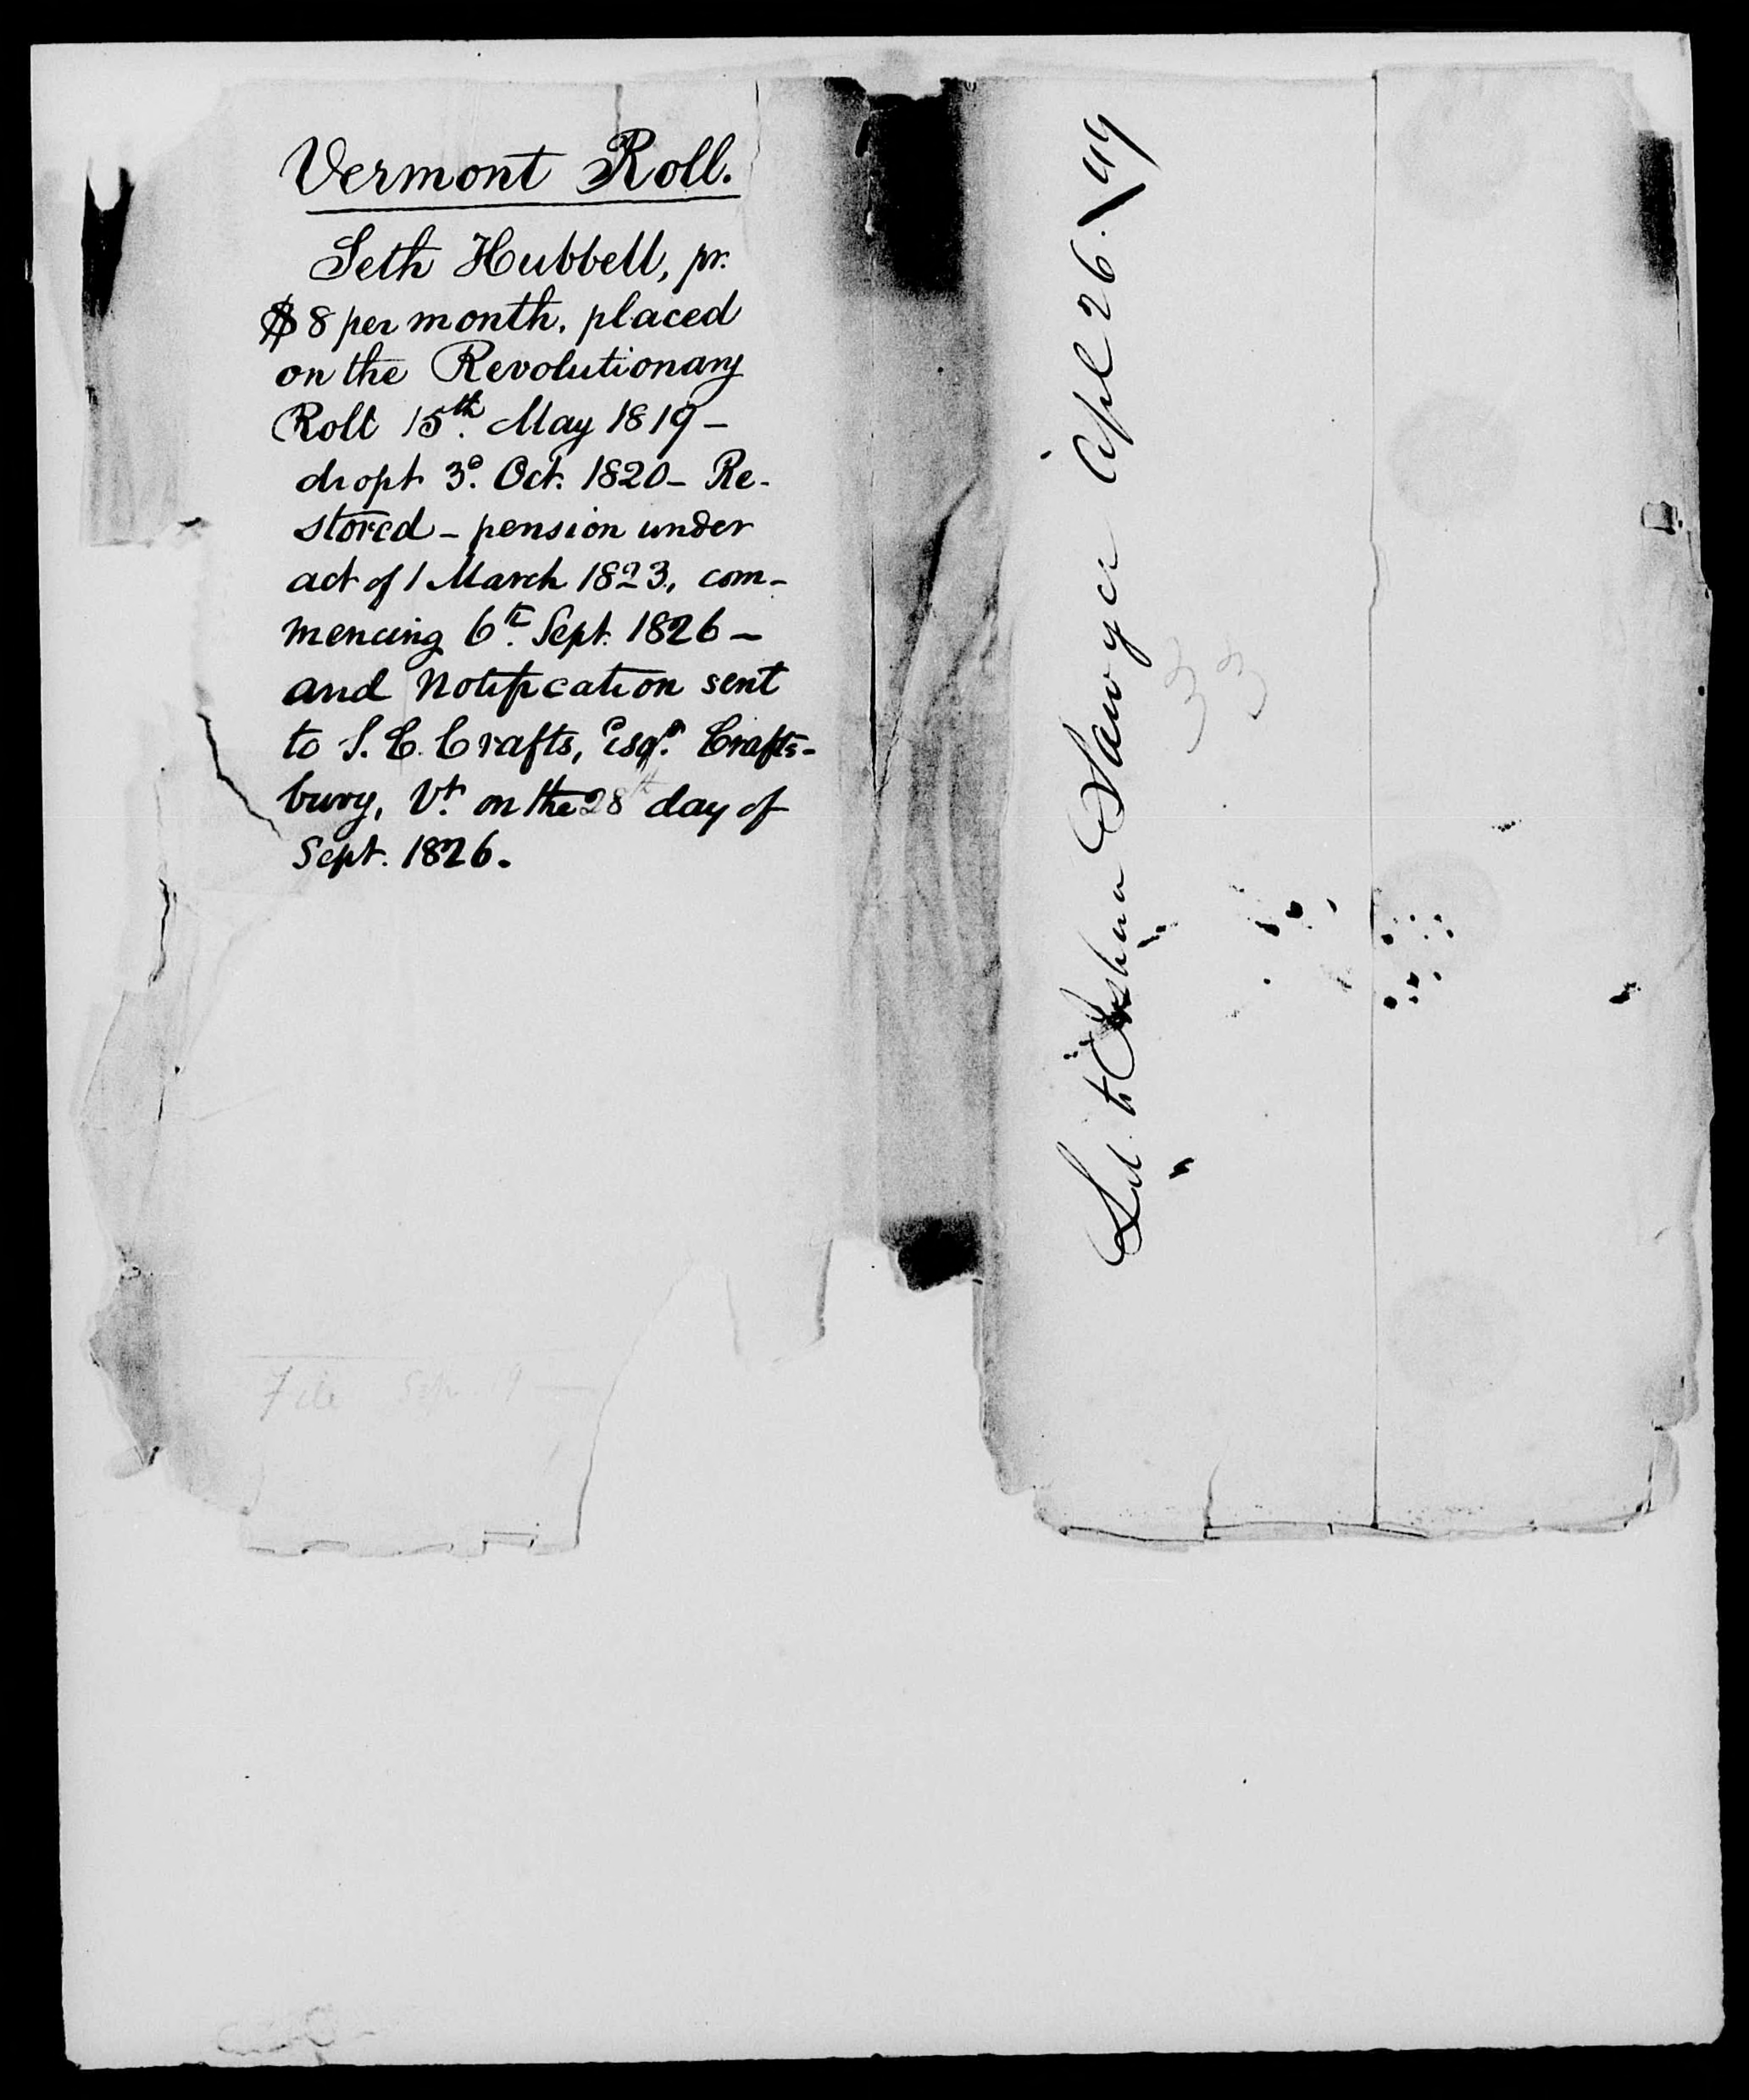Vermont Roll.
Seth Hubbell, pv. $8 per month, placed on the Revolutionary Roll 15th May 1819 - dropt 3d Oct. 1820 - Restored - pension under act of 1 March 1823, commencing 6th Sept. 1826 - and notification sent to S. C. Crafts, Esqr. Craftsbury, Vt. on the 28 day of Sept. 1826.

Sent to Joshua Sawyer Apl 26\49

33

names: Seth Hubbell, S C Crafts, Joshua Sawyer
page: 76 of 114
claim: widow's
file: W. 2115, Seth Hubbell, Conn.